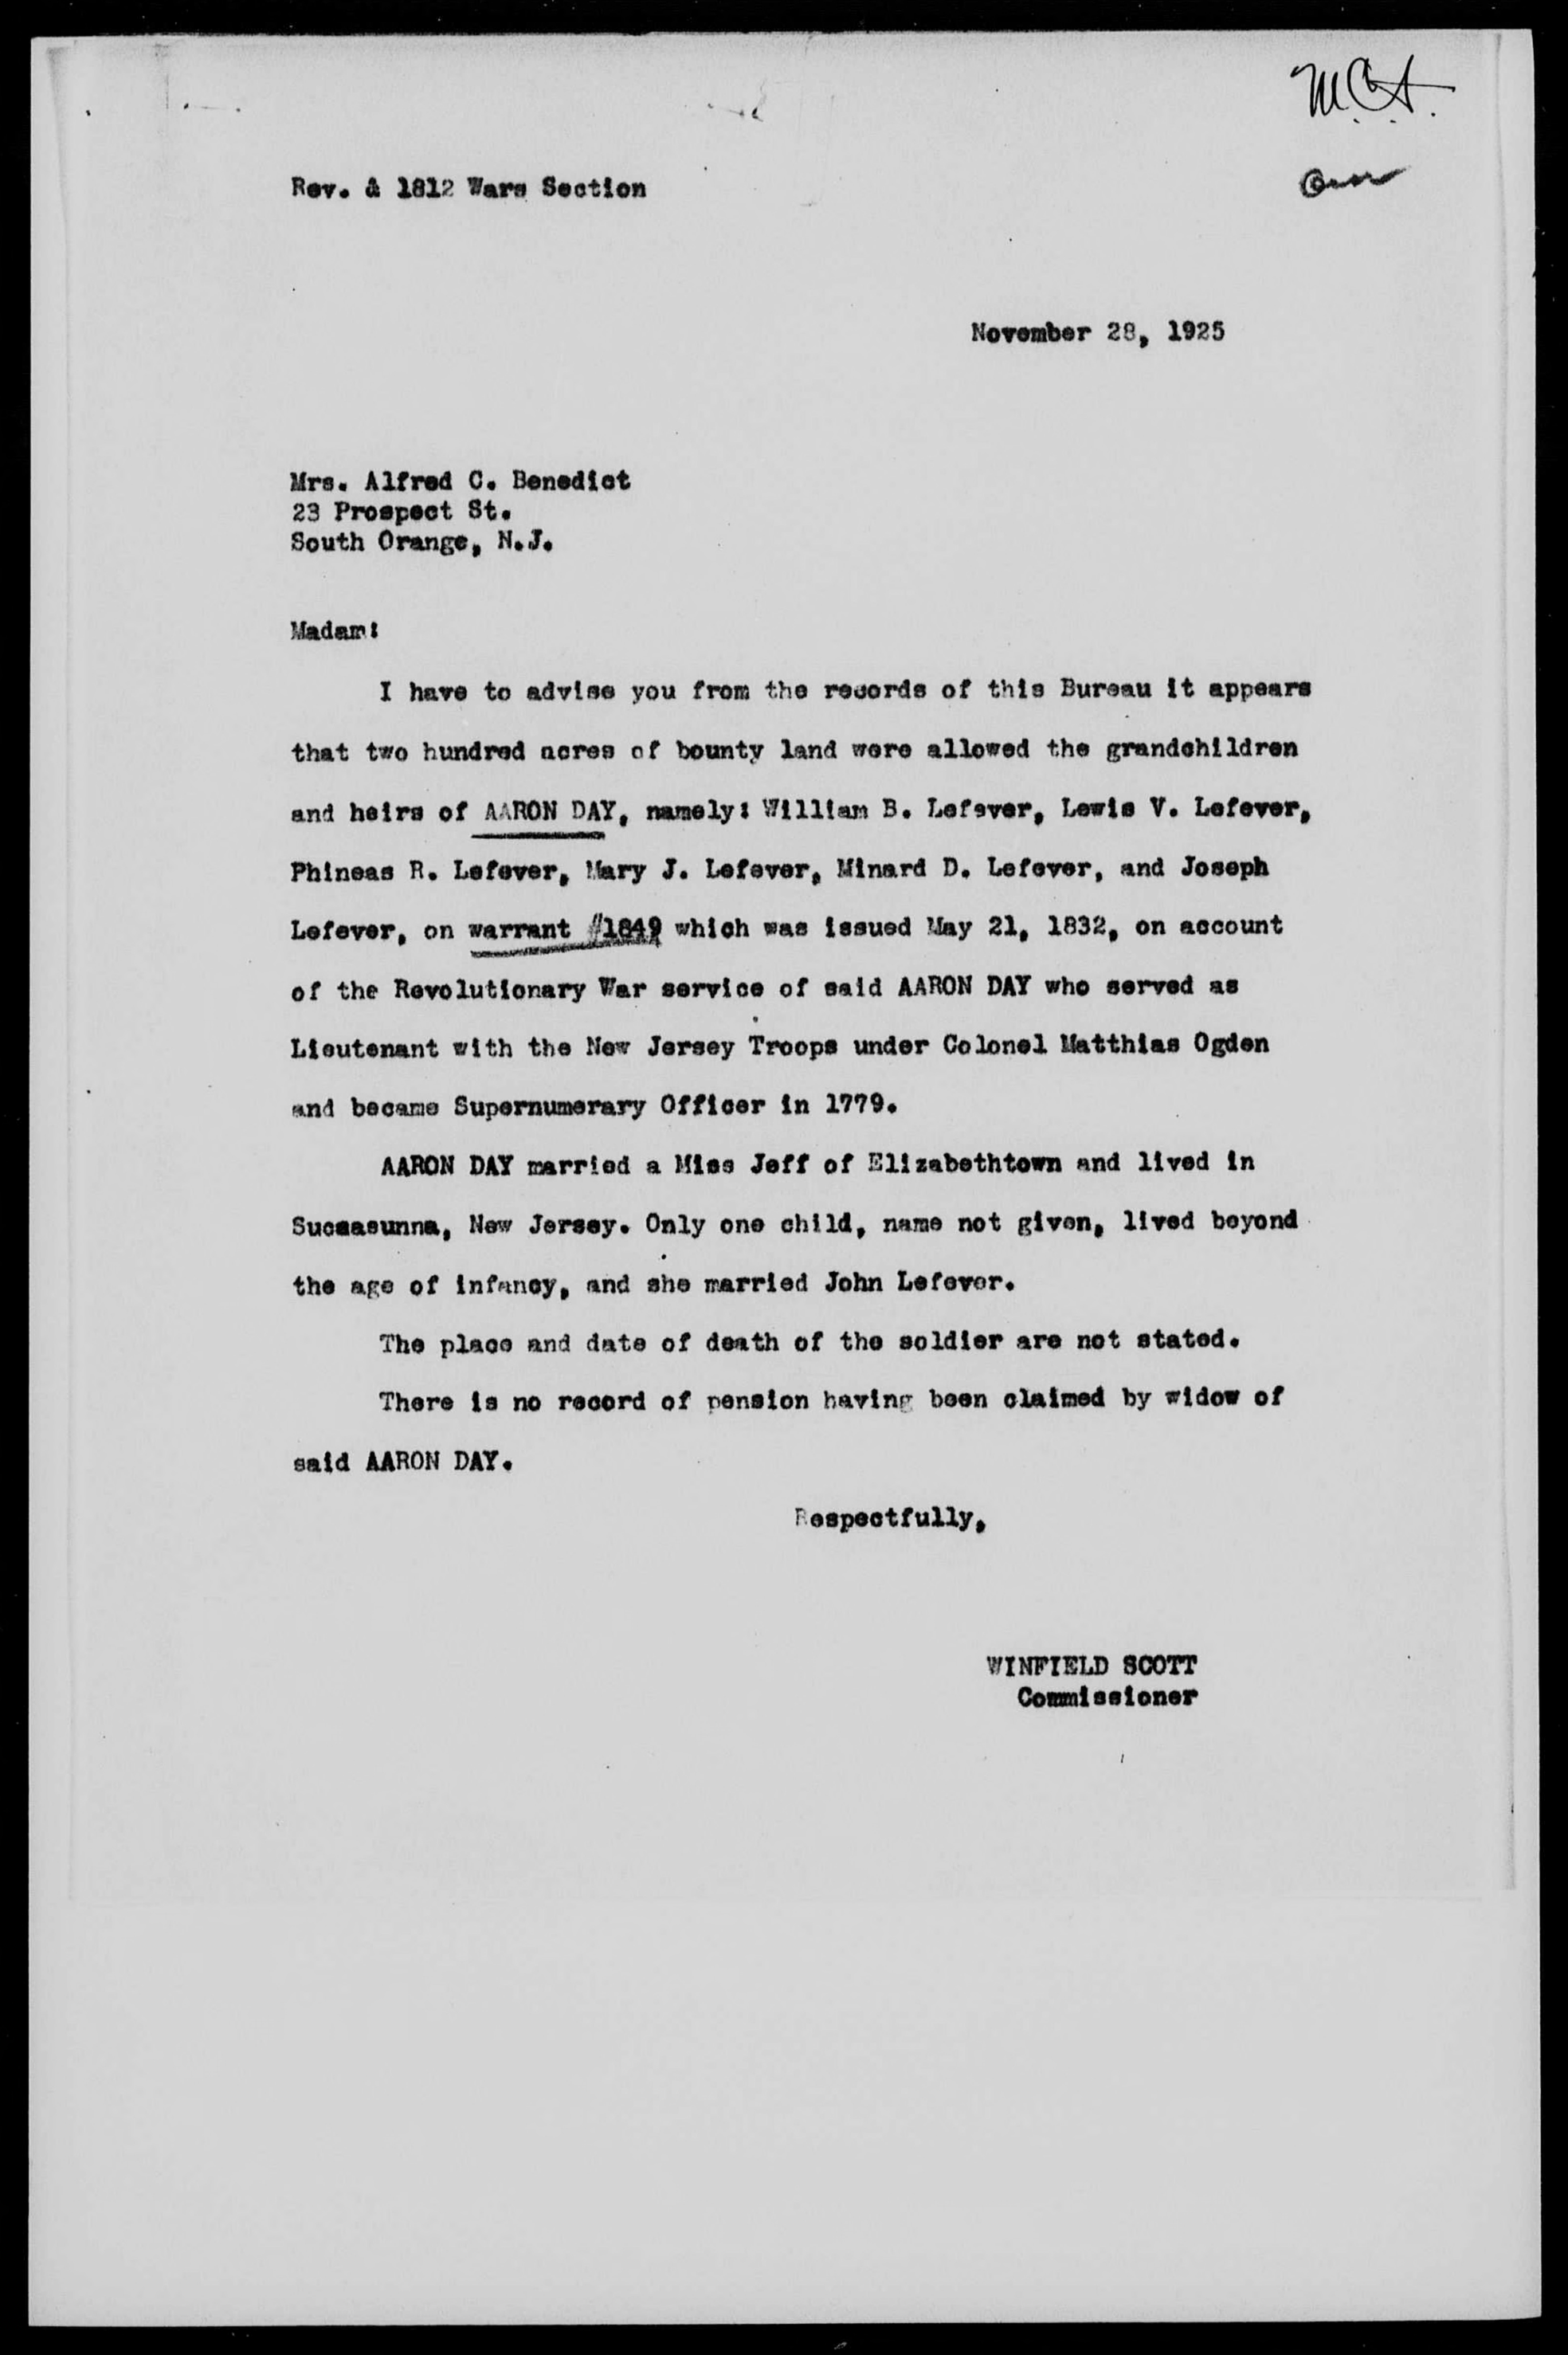M.C.A.
acw
Rev. & 1812 Wars Section
November 28, 1925
Mrs. Alfred C. Benedict
23 Prospect St.
South Orange, N.J.
Madam:  I have to advise you from the records of this Bureau it appears that two hundred acres of bounty land were allowed the grandchildren and heirs of AARON DAY [underlined], namely:  William B. Lefever, Lewis V. Lefever, Phineas R. Lefever, Mary J. Lefever, Minard D. Lefever, and Joseph Lefever, on warrant #1849 [underlined] which was issued May 21, 1832, on account of the Revolutionary War service of said AARON DAY who served as Lieutenant with the New Jersey Troops under Colonel Matthias Ogden and became Supernumerary Officer in 1779.
AARON DAY married a Miss Jeff of Elizabethtown and lived in Succasunna, New Jersey.  Only one child, name not given, lived beyond the age of infancy, and she married John Lefever.
The place and date of death of the soldier are not stated.
There is no record of pension having been claimed by widow of said AARON DAY.
Respectfully, WINFIELD SCOTT Commissioner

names: William B Lefever, Lewis V Lefever, Aaron Day, Aaron Day, Minard D Lefever, Joseph Lefever, John Lefever, Aaron Day, Aaron Day, Winfield Scott, Alfred C Benedict, Jeff, Mary J Lefever, Matthias Ogden, Phineas R Lefever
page: 5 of 15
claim: bounty land warrant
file: B. L. Wt. 1849-200, Aaron Day, New Jersey